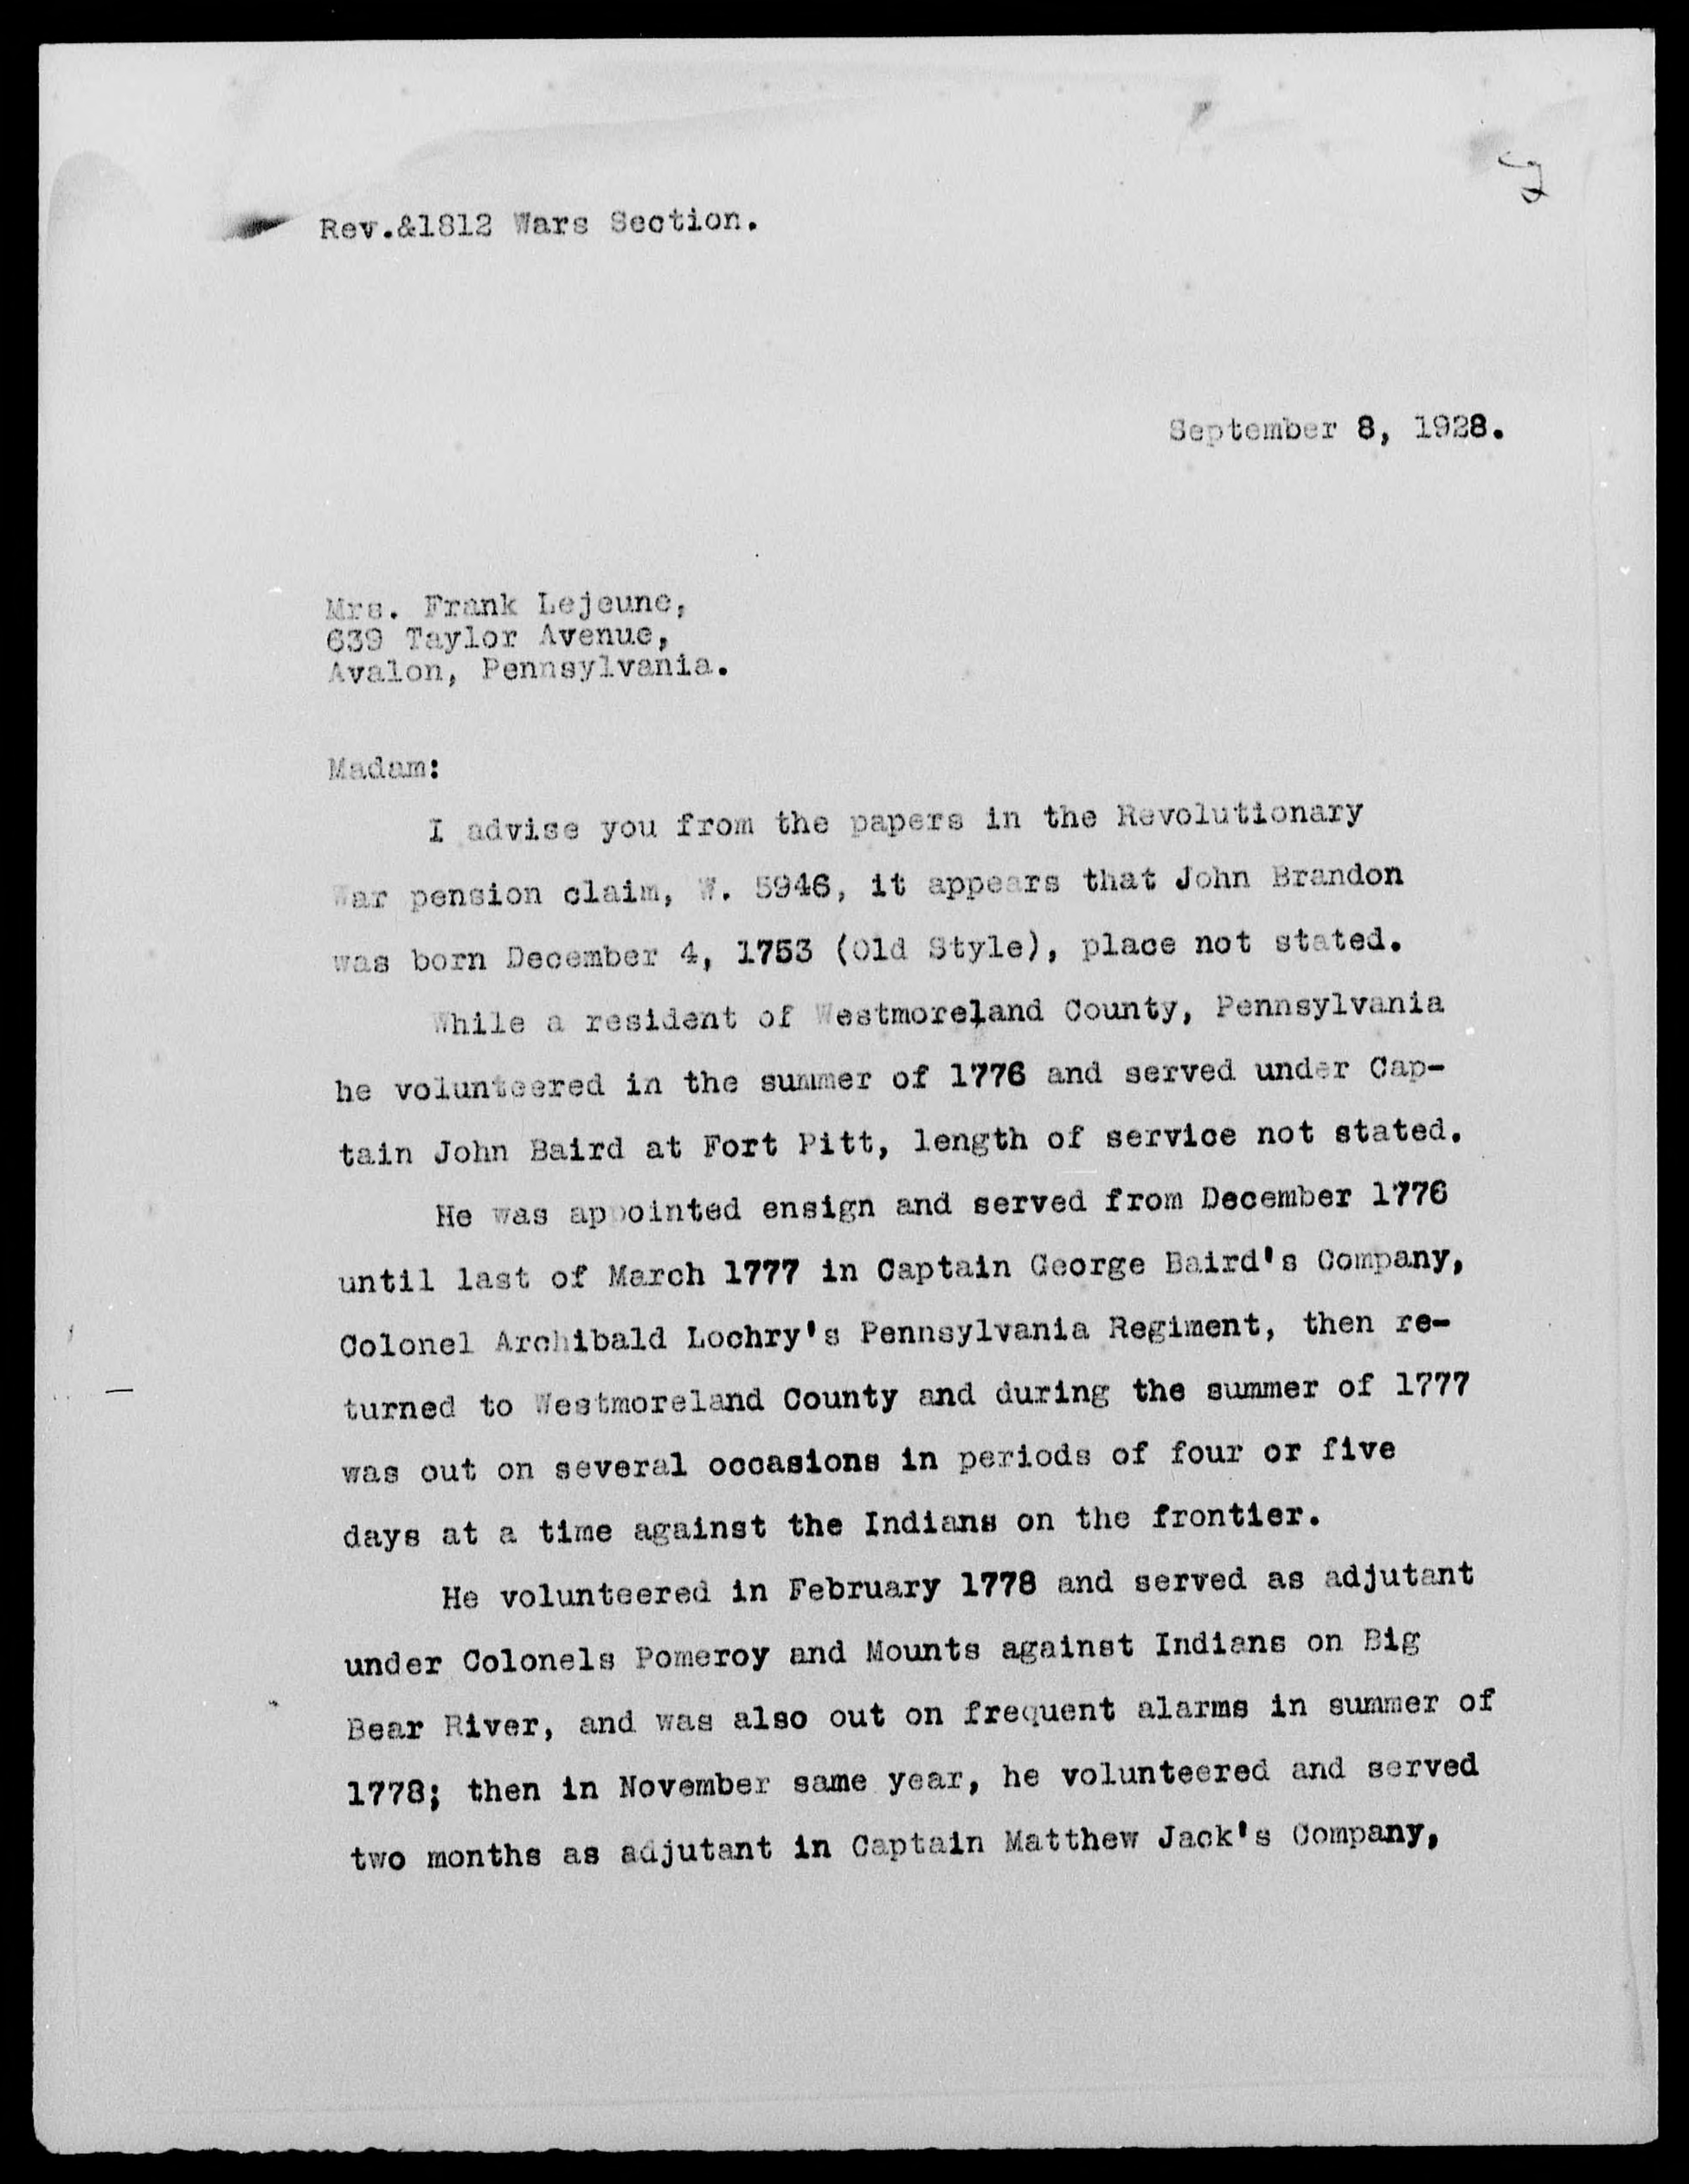[pg 1 of 2]

Rev.&12812 Wars Section.

September 8, 1928.

Mrs. Frank Lejeune,
639 Taylor Avenue,
Avalon Pennsylvania.

Madam:
I advise you from the papers in the Revolutionary War pension claim, W. 5946, it appears that John Brandon was born December 4, 1753, (Old Style), place not stated.
While a resident of Westmoreland County, Pennsylvania he volunteered in the summer of 1776 and served under Captain John Baird at Fort Pitt, length of service not stated.
He was appointed ensign and served from December 1776 until last of March 1777 in Captain George Baird's Company, Colonel Archibald Lochry's Pennsylvania Regiment, then returned to Westmoreland Count y and during the summer of 1777 was out on several occasions in periods of four or five days at a time against the Indians on the frontier.
He volunteered in February 1778 and served as adjutant under Colonels Pomeroy and Mounts against Indians on Big Bear River, and was also out on frequent alarms in summer of 1778; then in November same year, he volunteered and served two months as adjutant in Captain Matthew Jack's Company,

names: Frank Lejeune, John Baird, John Brandon, Mounts, Pomeroy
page: 79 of 83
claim: widow's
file: W. 5946, John Brandon, Penn